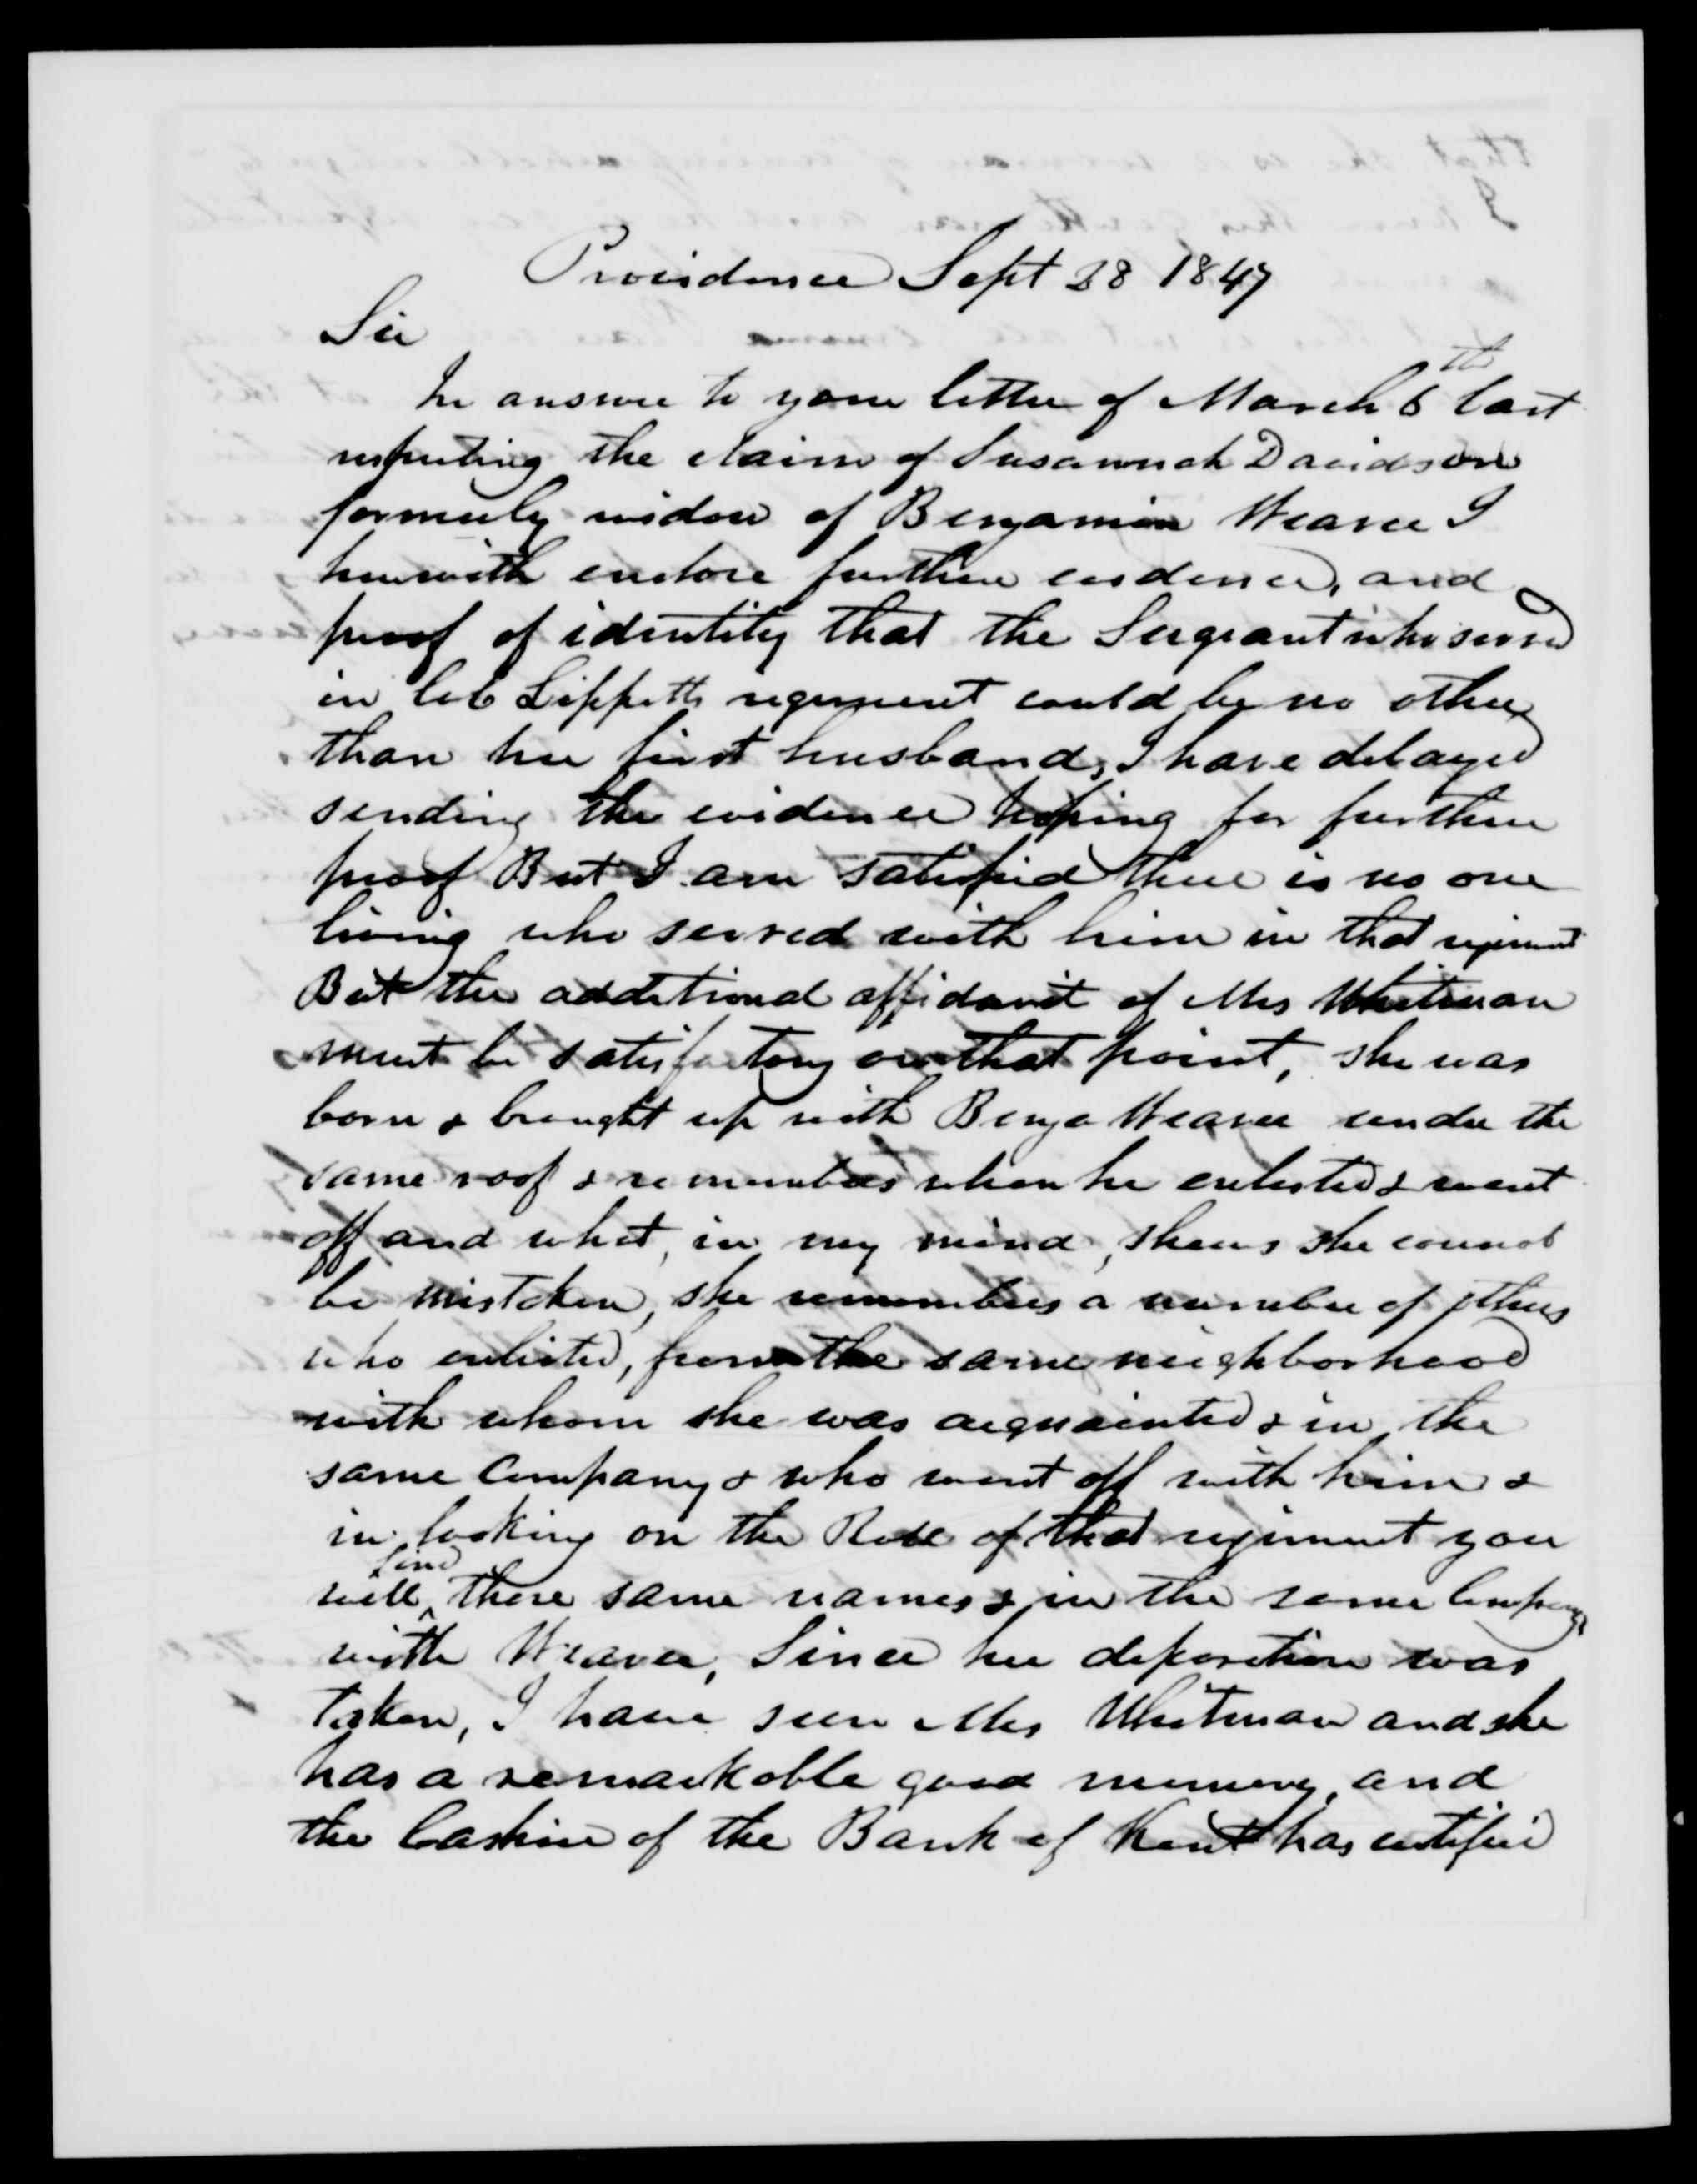Providence Sept 28 1847

Sir 

In answer to your letter of March 6th last ____ the claim of Susannah Davison formerly widow of Benjamin Weaver I herewith enclose further evidence, and proof of identity that the Sergeant’s he served in Col Lippitts regiment could by no other than her first husband, I have delayed sending the evidence hoping for further proof But I am satisfied there is no one living who served with him in the regiment But this additional affidavit of Mrs Whitman must be satisfactory on that point, she was born & brought up with Benjamin Weaver under the same roof & remember when he enlisted & went off and what, in my mind, shows she cannot be mistaken, she remembers a number of these who enlisted, from the same neighborhood with whom she was acquainted & in the same company & who went off with him & in looking on the roll of that regiment you will find these same names & in the same company with Weaver, Since her depositions was taken, I have seen Mrs Whitman and she has a remarkable food memory, and the Cashier of the Bank of Kent has certified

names: Susannah Davidson, Whitman, Benjamin Weaver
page: 32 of 53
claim: widow's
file: W 17707, Benjamin Weaver, R.I.